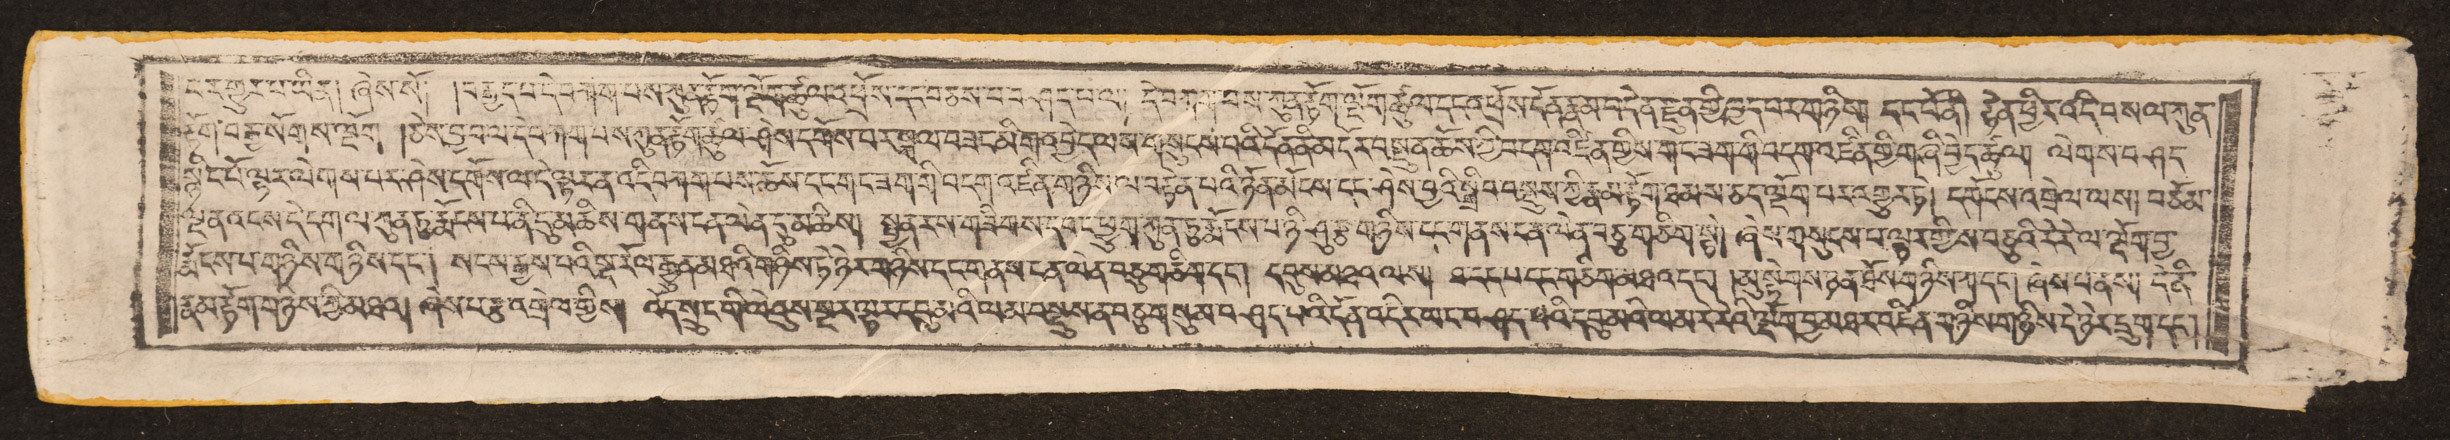པར་གྱུར་པ་ཡིན། ཞེས་སོ། །བརྒྱད་པ་དེ་བཀག་པས་ཀུན་རྟོག་ལྡོག་ཚུལ་འཕྲོས་དང་བཅས་པ་བཤད་པ་ལ། དེ་བཀག་པས་ཀུན་རྟོག་ལྡོག་ཚུལ་དང་འཕྲོས་དོན་རྣམ་བདེན་རྫུན་གྱི་ཁྱད་པར་གཉིས། དང་པོ་ནི། རྟེན་ཕྱིར་འདི་བསལ་ཀུན་
རྟོག་བརྒྱ་སོགས་ལྡོག །ཅེས་བྱ་བ་ལ་དེ་བཀག་པས་ཀུན་རྟོག་ཚུལ་ཤེས་དགོས་པར་སྐལ་བཟང་མིག་འབྱེད་ལས་གསུངས་པའི་དོན་ནི་མདོར་བསྡུ་ན་ཆོས་ཀྱི་བདག་འཛིན་གྱིས་གང་ཟག་གི་བདག་འཛིན་གྱི་གཞི་བྱེད་ཚུལ། ལེགས་བཤད་
སྙིང་པོ་ལྟར་ལེགས་པར་ཤེས་དགོས་ལ་དེ་ལྟར་ན་འདི་བཀག་པས་ཆོས་དང་གང་ཟག་གི་བདག་འཛིན་གཉིས་ལ་བརྟེན་པའི་ཉོན་མོངས་དང་ཤེས་བྱའི་སྒྲིབ་བསྡུས་ཀྱི་རྣམ་རྟོག་ཐམས་ཅད་ལྡོག་པར་འགྱུར་ཏེ། དགོངས་འགྲེལ་ལས། བཅོམ་
ལྡན་འདས་དེ་དག་ལ་ཀུན་ཏུ་རྨོངས་པ་ནི་དུ་མཆིས་གནས་ངན་ལེན་དུ་མཆིས། སྤྱན་རས་གཟིགས་དབང་ཕྱུག་ཀུན་ཏུ་རྨོངས་པ་ཉི་ཤུ་རྩ་གཉིས་དང་གནས་ངན་ལེན་བཅུ་གཅིག་སྟེ། ཞེས་གསུངས་པ་ལྟར་གྱི་ས་བཅུའི་རེ་རེ་ལ་ལྡོག་བྱ་
རྨོངས་པ་གཉིས་གཉིས་དང་། སངས་རྒྱས་པའི་སྔ་རོལ་རྒྱུན་མཐའི་གཉིས་ཏེ་ཉེར་གཉིས་དང་གནས་ངན་ལེན་བཅུ་གཅིག་དང་། དབུས་མཐའ་ལས། ཐ་དད་པ་དང་གཅིག་མཐའ་དང་། །མུ་སྟེགས་ཉན་ཐོས་གཉིས་ཀ་དང་། ཞེས་པ་ནས། དེ་ནི་
རྣམ་རྟོག་གཉིས་ཀྱི་མཐའ། ཞེས་པ་རྩ་འགྲེལ་གྱིས། འོད་སྲུང་གི་ལེའུས་སྔར་ལྟར་དབུ་མའི་ལམ་བསྡུས་ན་བཅུ་གསུམ་བཤད་པའི་དོན་འདིར་ཡང་བཤད་པའི་དབུ་མའི་ལམ་རེ་རེའི་ལྡོག་བྱ་མཐར་འཛིན་གཉིས་གཉིས་དེ་ཉེར་དྲུག་དང་།